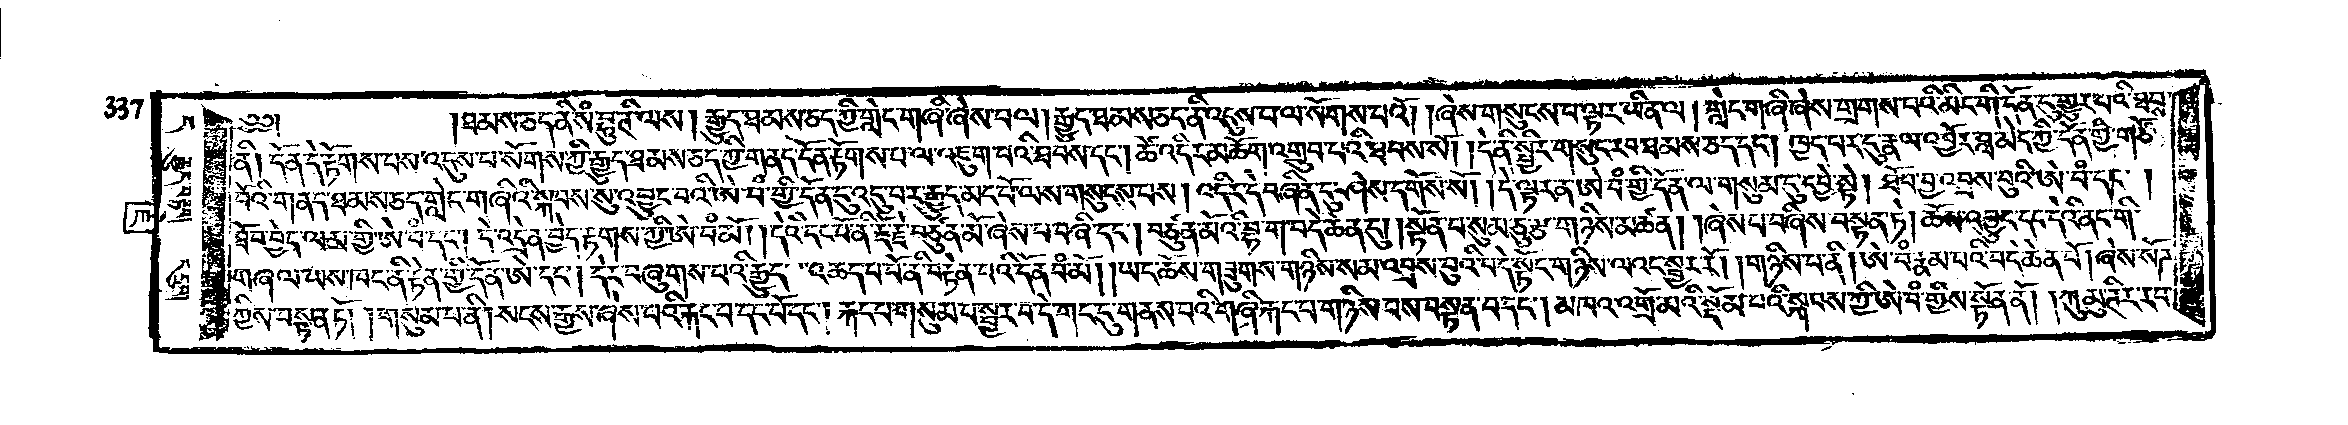༄༅། །ཐམས་ཅད་ནི་སཾ་བྷུ་ཊི་ལས། རྒྱུད་ཐམས་ཅད་ཀྱི་གླེང་གཞི་ཞེས་པ་ལ། རྒྱུད་ཐམས་ཅད་ནི་འདུས་པ་ལ་སོགས་པའོ། །ཞེས་གསུངས་པ་ལྟར་ཡིན་ལ། གླེང་གཞི་ཞེས་གྲགས་པའི་མིང་གི་དོན་དུ་གྱུར་པའི་ཐབས་
ནི། དོན་དེ་རྟོགས་པས་འདུས་པ་སོགས་ཀྱི་རྒྱུད་ཐམས་ཅད་ཀྱི་གནད་དོན་རྟོགས་པ་ལ་འཇུག་པའི་ཐབས་དང་། ཚེ་འདིར་མཆོག་འགྲུབ་པའི་ཐབས་སོ། །དེ་ནི་སྤྱིར་གསུང་རབ་ཐམས་ཅད་དང་། ཁྱད་པར་དུ་རྣལ་འབྱོར་བླ་མེད་ཀྱི་དོན་གྱི་གཙོ་
བོའི་གནད་ཐམས་ཅད་གླེང་གཞིའི་སྐབས་སུ་འབྱུང་བའི་ཨེ་བཾ་གྱི་དོན་དུ་འདུ་བར་རྒྱུད་མང་པོ་ལས་གསུངས་པས། འདིར་དེ་བཞིན་དུ་ཤེས་དགོས་སོ། །དེ་ལྟར་ན་ཨེ་བཾ་གྱི་དོན་ལ་གསུམ་དུ་དབྱེ་སྟེ། ཐོབ་བྱ་འབྲས་བུའི་ཨེ་བཾ་དང་།
ཐོབ་བྱེད་ལམ་གྱི་ཨེ་བཾ་དང་། དེ་འདྲེན་བྱེད་རྟགས་ཀྱི་ཨེ་བཾ་མོ། །དེའི་དང་པོ་ནི་རྡོ་རྗེ་བཙུན་མོ་ཞེས་པ་བཞི་དང་། བཙུན་མོའི་བྷ་ག་བདེ་ཆེན་དུ། །སྟོན་པ་སུམ་ཅུ་རྩ་གཉིས་མཚན། །ཞེས་པ་བཞིས་བསྟན་ཏེ། ཆོས་འབྱུང་དང་དེའི་ནང་གི་
གཞལ་ཡས་ཁང་ནི་རྟེན་གྱི་དོན་ཨེ་དང་། དེར་བཞུགས་པའི་རྒྱུད་འཆད་པ་པོ་ནི་བརྟེན་པའི་དོན་བཾ་མོ། །ཡང་ཆོས་གཟུགས་གཉིས་སམ་འབྲས་བུའི་བདེ་སྟོང་གཉིས་ལའང་སྦྱར་རོ། །གཉིས་པ་ནི། ཨེ་བཾ་རྣམ་པའི་བདེ་ཆེན་པོ། ཞེས་སོགས་
ཀྱིས་བསྟན་ཏོ། །གསུམ་པ་ནི། སངས་རྒྱས་ཞེས་པའི་རྐང་པ་དང་པོ་དང་། རྐང་པ་གསུམ་པ་སྦྱར་བ་དེ་གང་དུ་གནས་པའི་གཞི་རྐང་པ་གཉིས་པས་བསྟན་པ་དང་། མཁའ་འགྲོ་མའི་སྡོམ་པའི་སྐབས་ཀྱི་ཨེ་བཾ་གྱིས་སྟོན་ནོ། །ཀུ་མུ་ཊིར་རབ་